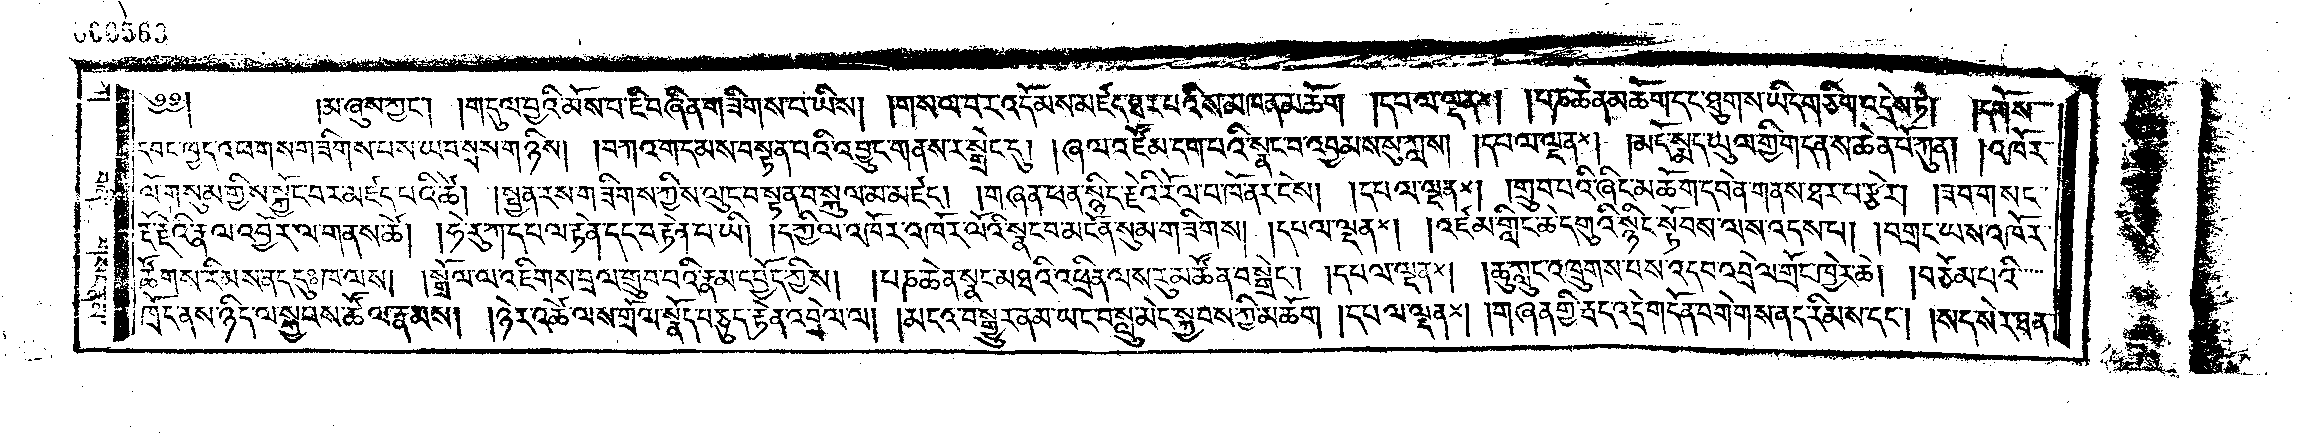༄༅། །མ་ཞུས་ཀྱང་། །གདུལ་བྱའི་མོས་པ་ཇི་བཞིན་གཟིགས་པ་ཡིས། །གསལ་བར་འདོམས་མཛད་ཐར་པའི་ས་མཁན་མཆོག །དཔལ་ལྡན་྾། །པཎ་ཆེན་མཆོག་དང་ཐུགས་ཡིད་གཅིག་འདྲེས་ཏེ། །དགོས་
དབང་ཁྱད་འཕགས་གཟིགས་པས་ཡབ་སྲས་གཉིས། །བཀའ་གདམས་བསྟན་པའི་འབྱུང་གནས་ར་སྒྲེང་དུ། །ཞལ་འཛོམ་དག་པའི་སྣང་བ་འབྱམས་སུ་ཀླས། །དཔལ་ལྡན་྾། །མདོ་སྨད་ཡུལ་གྱི་གདན་ས་ཆེན་པོ་ཀུན། །འཁོར་
ལོ་གསུམ་གྱིས་སྐྱོང་བར་མཛད་པའི་ཚེ། །སྤྱན་རས་གཟིགས་ཀྱིས་ལུང་བསྟན་བསྐུལ་མ་མཛད། །གཞན་ཕན་སྙིང་རྗེའི་རོལ་པ་ཁོ་ནར་ངེས། །དཔལ་ལྡན་྾། །གྲུབ་པའི་ཞིང་མཆོག་དབེན་གནས་ཐར་པ་རྩེར། །ཟབ་གསང་
རྡོ་རྗེའི་རྣལ་འབྱོར་ལ་གནས་ཚེ། །ཧེ་རུ་ཀ་དཔལ་རྟེན་དང་བརྟེན་པ་ཡི། །དཀྱིལ་འཁོར་འཁོར་ལོའི་སྣང་བ་མངོན་སུམ་གཟིགས། །དཔལ་ལྡན་྾། །འཛམ་གླིང་ཆེད་གུའི་སྙིང་སྟོབས་ལས་འདས་པ། །བགྲང་ཡས་འཁོར་
ཚོགས་རིམས་ནད་དུཿ ཁ་ལས། །སྒྲོལ་ལ་འཇིགས་བྲལ་གྲུབ་པའི་རྣམ་དཔྱོད་ཀྱིས། །པཎ་ཆེན་སྣང་མཐའི་འཕྲིན་ལས་རུ་མཚོན་བསྒྲེང་། །དཔལ་ལྡན་྾། །ཆུ་ཀླུང་འཁྲུགས་པས་འདབ་འབྲེལ་གྲོང་ཁྱེར་ཆེ། །བཅོམ་པའི་
ཁྲོད་ནས་ཉིད་ལ་སྐྱབས་ཚོལ་རྣམས། །ཉེར་འཚེ་ལས་གྲོལ་སྣོད་བཅུད་རྟེན་འབྲེལ་ལ། །མངའ་བསྒྱུར་ནམ་ཡང་བསླུ་མེད་སྐྱབས་ཀྱི་མཆོག །དཔལ་ལྡན་྾། །གཞན་གྱི་རྦད་འདྲེ་གདོན་བགེགས་ནད་རིམས་དང་། །སད་སེར་ཐན་